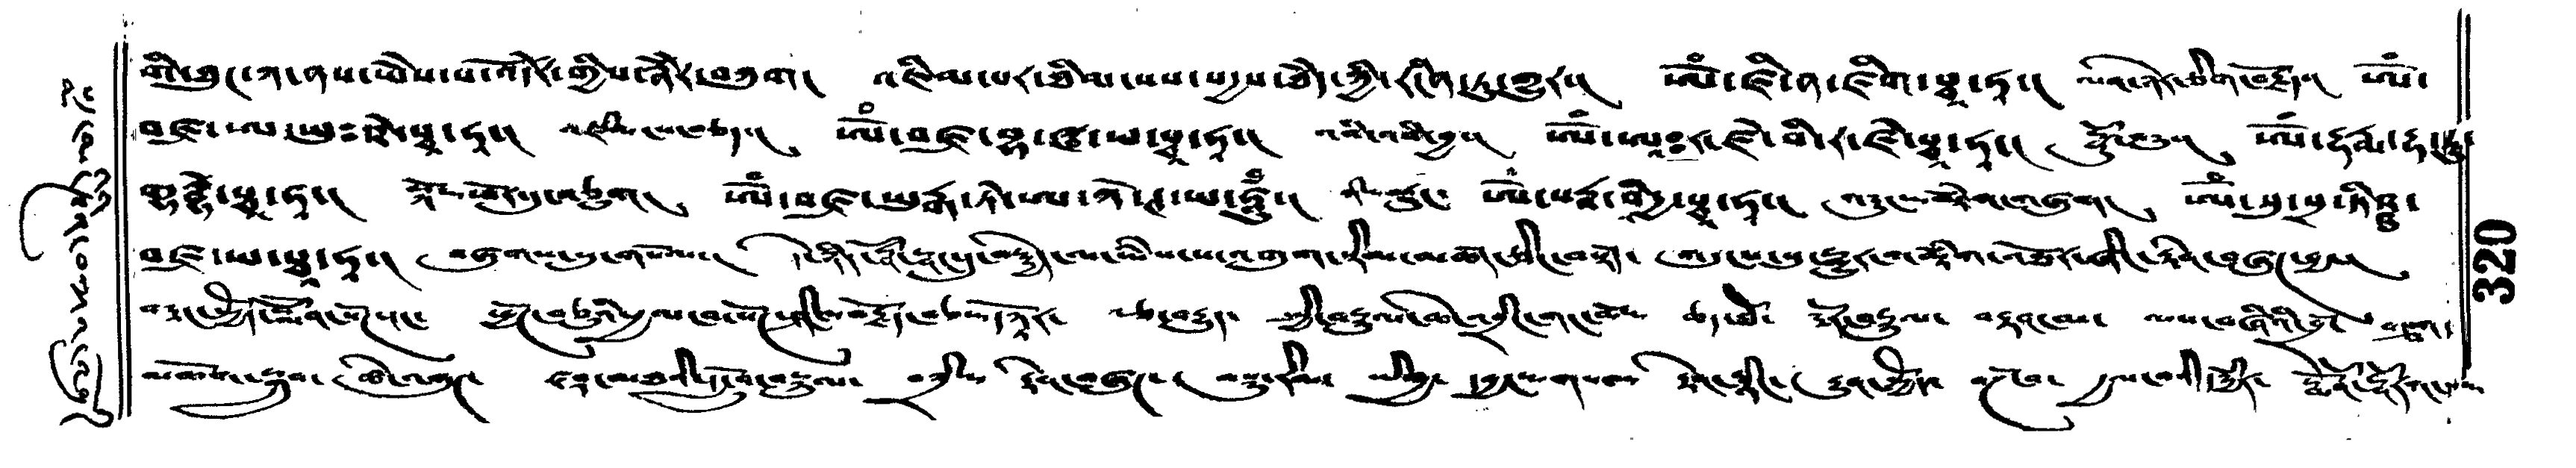གི་ཐུགས་ཀ་ནས་ཡེ་ཤེས་པ་འོད་ཟེར་གྱི་རྣམ་པར་བཀུག འཇིམ་པར་ཐིམ་པས་སངས་རྒྱས་ཐམས་ཅད་ཀྱི་རང་བཞིན་དུ་གྱུར། ཨོཾ་ཛི་ན་ཛིག་སྭ་ཧཱ། ལན་ཉེར་གཅིག་བརྗོད། ཨོཾ་
བཛྲ་ཨ་ཡུཿརེ་སྭ་ཧཱ། འཇིམ་པ་གཅད། ཨོཾ་བཛྲ་བྷ་ཝ་ཡ་སྭ་ཧཱ། འབི་འབི་བྱ། ཨོཾ་ཨཱཿར་ཛེ་བི་ར་ཛེ་སྭ་ཧཱ། རྣམ་པར་བཀུག ཨོཾ་དྷརྨ་དྷ་ཏུ་
གྷརྦྷེ་སྭཱ་ཧཱ། སྐོས་ཕོར་དུ་བཅུག ཨོཾ་བཛྲ་ཨུརྒ་ཏེ་ཨ་ཀོ་ཊ་ཡ་ཧཱུྃ། ཉིས་རྡུང་། ཨོཾ་སརྦ་བཱིདྱ་སྭ་ཧཱ། གཟུངས་མེ་ཏོག་གཞུག ཨོཾ་སུ་པྲ་ཏིཥྛ་
བཛྲ་ཡ་སྭ་ཧཱ། བཞུགས་སུ་གསོལ། དེ་ཉིད་རྣམ་སྣང་དུ་བསྐྱེད་ལ་ཡེ་ཤེས་པ་འགུག་སྟིམ་མཆོད་ཅིང་བསྟོད། གདུངས་སུ་གྱུར་བ་མེ་ཏོག་འཐོར་ཞིང་རྟེན་བཞུགས་བྱ། 
བཟང་སྤྱོད་སྨོན་ལམ་སོགས་དང་། ཕྱོགས་བཅུའི་རྒྱལ་བ༴ སོགས་ཤིས་བརྗོད་བཅས། དཀར་གཏོར། རྩ་བརྒྱུད། སྤྱི་བསྐུལ་ཆེ་འབྲིང་གང་མོས། ཆད་ཐོ། ཟོར་བསྐུལ། བརྟན་མ། ལས་བཞིའི་བྲོ། བདག་ཅག་
མཆོག་སྒྲུབ༴ ཚེ་འགུགས། ཛཔྲ་མཐའི་དངོས་གྲུབ་བསྐུལ། བཀྲ་ཤིས། རྟེན་བཞུགས། བསྡུ་རིམ། ཡིག་བརྒྱ། དབྱངས་གསལ། རྟེན་སྙིང་། རྒྱུན་སྤྱོད། བསྔོ་བ། རྒྱལ་བའི་དཀྱིལ་འཁོར༴ སྨོན་ལམ་རྣམ་པར་དག་པས་